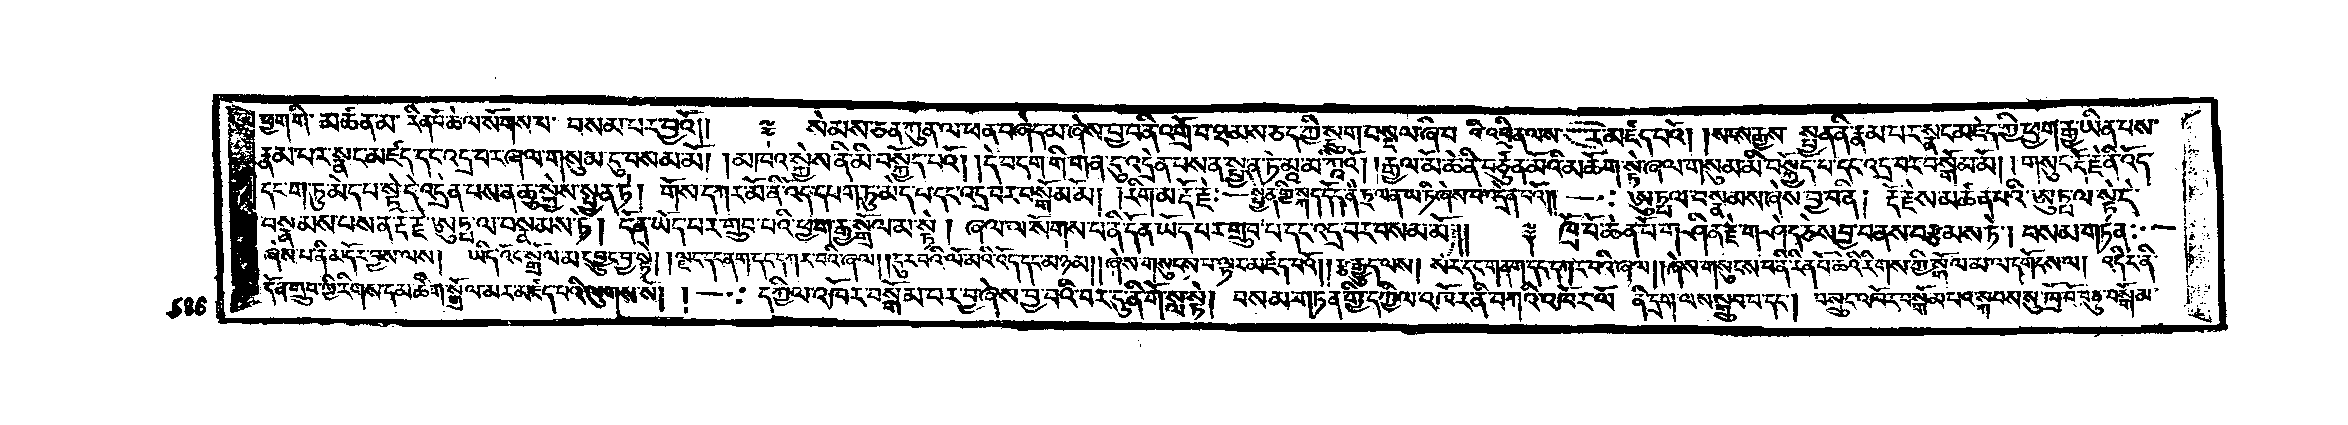ཕྱག་གི་མཚན་མ་རིན་པོ་ཆེ་ལ་སོགས་པ་བསམ་པར་བྱའོ།། ༈ སེམས་ཅན་ཀུན་ལ་ཕན་བཞེད་མ་ཞེས་བྱ་བ་ནི་འགྲོ་བ་ཐམས་ཅད་ཀྱི་སྡུག་བསྔལ་ཞི་བའི་འཕྲིན་ལས་རི་མཛད་པའོ། ། སངས་རྒྱས་སྤྱན་ནི་རྣམ་པར་སྣང་མཛད་ཀྱི་ཕྱག་རྒྱ་ཡིན་པས་
རྣམ་པར་སྣང་མཛད་དང་འདྲ་བར་ཞལ་གསུམ་དུ་བསམ་མོ། །མཁའ་སྐྱེས་ནི་མི་བསྐྱོད་པའོ། །དེ་བདག་གི་གན་དུ་འདྲེན་པས་ན་སྤྱན་ཏེ་མཱ་མ་ཀཱིའོ། །རྒྱལ་མོ་ཆེ་ནི་བཙུན་མོའི་མཆོག་སྟེ་ཞལ་གསུམ་མི་བསྐྱོད་པ་དང་འདྲ་བར་བསྒོམ་མོ། །གསུང་རྡོ་རྗེ་ནི་འོད་
དཔག་ཏུ་མེད་པ་སྟེ་དེ་འདྲེན་པས་ན་ཆུ་སྐྱེས་སྤྱན་ཏེ། གོས་དཀར་མོ་ནི་འོད་དཔག་ཏུ་མེད་པ་དང་འདྲ་བར་བསྒོམ་མོ། །རིག་མ་རྡོ་རྗེཿ་སྤྱན་གྱི་སྐད་དོད་ནཻ་ཏྲ་ལན་ཡ་ཏི་ཞེས་པ་འདྲེན་པའོ།།  .H ཨུཏྤལ་བསྣམས་ཞེས་བྱ་བ་ནི། རྡོ་རྗེས་མཚན་པའི་ཨུཏྤལ་སྟེ་དེ་
བསྣམས་པས་ན་རྡོ་རྗེ་ཨུཏྤལ་བསྣམས་ཏེ། དོན་ཡོད་པར་གྲུབ་པའི་ཕྱག་རྒྱ་སྒྲོལ་མ་སྟེ། ཞལ་ལ་སོགས་པ་ནི་དོན་ཡོད་པར་གྲུབ་པ་དང་འདྲ་བར་བསམ་མོ།། ༈ ཁྲོ་བོ་ཆེན་པོ་གཤིན་རྗེ་གཤེད་ཅེས་བྱ་བ་ནས་བརྩམས་ཏེ། བསམ་གཏནཿ
ཞེས་པ་ནི་མདོར་བྱས་ལས། ཡིད་འོང་སྒྲོལ་མ་དབྱུང་བྱ་སྟེ། །ལྗང་དང་ནག་དང་དཀར་བའི་ཞལ། །དུར་བའི་ལོ་མའི་འོད་དང་མཉམ། །ཞེས་གསུངས་པ་ལྟར་མཛད་པའོ། །རྩ་རྒྱུད་ལས། སེར་དང་གནག་དང་དཀར་བའི་ཞལ། །ཞེས་གསུངས་པ་ནི་རིན་པོ་ཆེའི་རིགས་ཀྱི་སྒོལ་མ་ལ་དགོངས་ལ། འདིར་ནི་
དོན་གྲུབ་ཀྱི་རིགས་དམ་ཚིག་སྒྲོལ་མར་མཛད་པའི་ལུགས་སོ། ། .H དཀྱིལ་འཁོར་བསྒོམ་པར་བྱ་ཞེས་བྱ་བའི་བར་དུ་ནི་གོ་སླ་སྟེ། བསམ་གཏན་གྱི་དཀྱིལ་འཁོར་ནི་བཀའི་འཁོར་ལོ་ནི་དྲག་ལས་སྒྲུབ་པ་དང་། བསྲུང་འཁོར་བསྒོམ་པའི་སྐབས་སུ་ཁྲོ་བོ་བཅུ་བསྒོམ